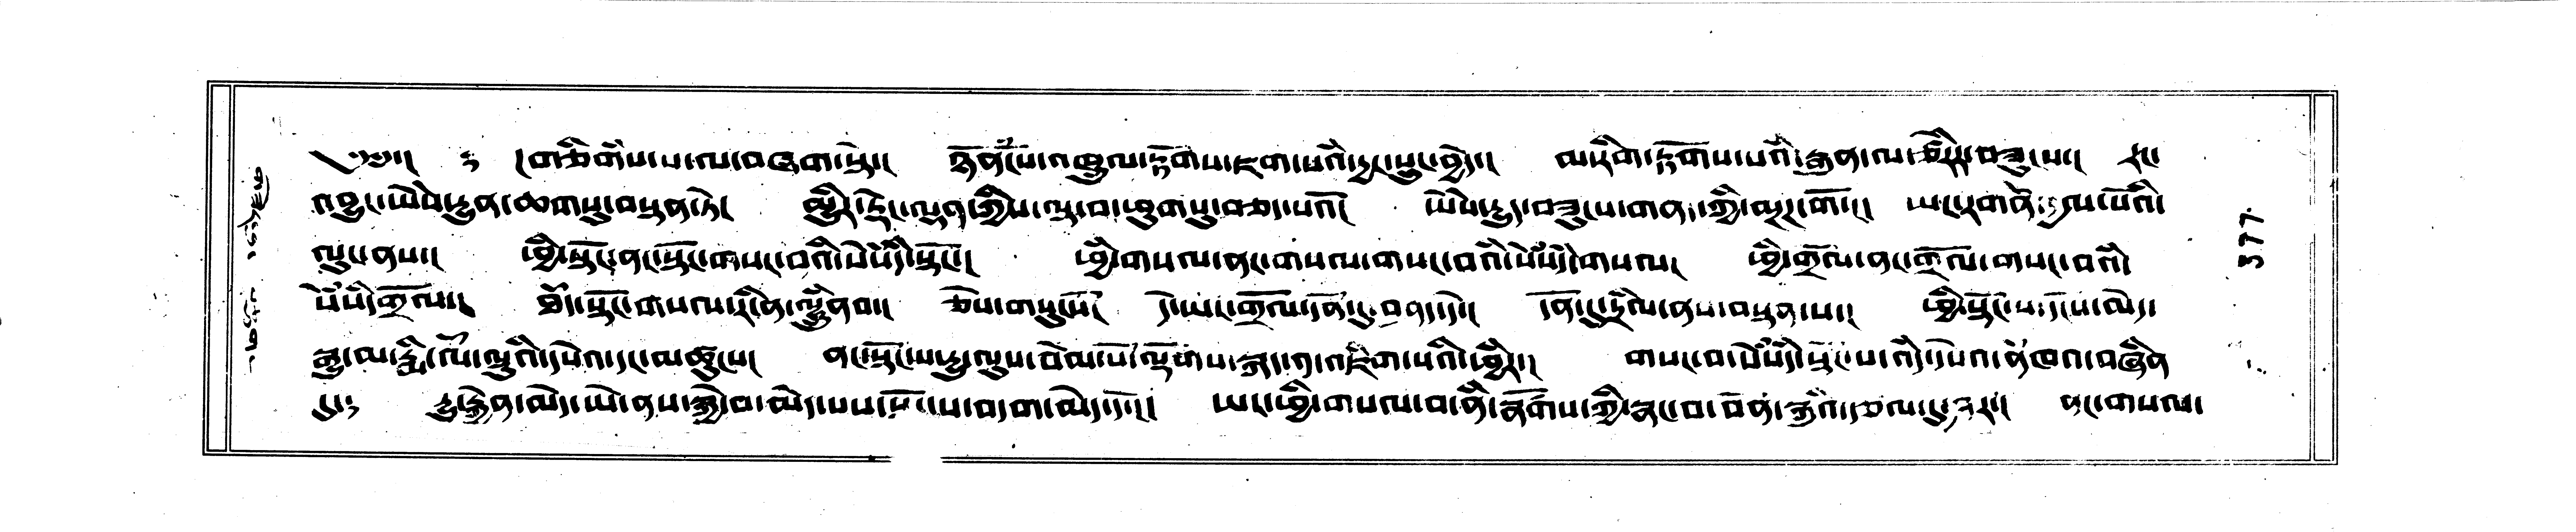ཅིག་གིས་སོ་པ་བཞག་སྟེ། ཉོན་མོངས་འཁྲུལ་རྟོག་ཇག་པ་རྒྱང་སྲུང་བྱེད། མ་རིག་རྟོག་པའི་རྐུན་བུ་ཙིར་ཙིར་བཟུང་། རང་
འབྱུང་ཡེ་ཤེས་རྒྱུན་གནས་སུ་བསྟན་ཏེ། མི་འགྱུར་ལྡིང་༼གདེང་༽ལྡན་གྱིས་ལྟ་བ་ཕུགས་སུ་བཅད་པའོ། ཡེ་ཤེས་རྒྱུན་ཟུངས་གནད་ཀྱིས་མེན་ངག་གོ ཡང་རིག་འཛིན་རྒྱལ་པོའི་
ལུང་ནས། ཕྱི་སྟོང་ནང་སྟོང་གསང་བ་སེམས་ཉིད་སྟོང་། ཕྱི་གསལ་ནང་གསལ་གསང་བ་སེམས་ཉིད་གསལ། ཕྱི་གྲོལ་ནང་གྲོལ་གསང་བ་
སེམས་ཉིད་གྲོལ། ཐམས་ཅད་སྟོང་གསལ་རང་གྲོལ་ལྷུན་གྱིས་གྲུབ། ཅེས་གསུངས་སོ། དེ་ཡང་བཀྲོལ་དོན་དུ་བཤད་ན། དོན་ཅིག་དུ་དྲིལ་ནས་བསྟན་ན། ཕྱི་སྟོང་པ་ནི། དངོས་མེད་
སྒྱུ་མ་རྨི་ལམ་ལྟ་བུའི་དཔེ་དང་མཚུངས། ནང་སྟོང་པ་ནི། སྒྱུ་ལུས་བེམ་པོ་མི་རྟག་སྐད་ཅིག་འཇིགས་པའི་ཕྱིར། གསང་བ་སེམས་ཉིད་སྟོང་པའི་དཔེ་ནམ་མཁའ་བཞིན་
དུ་རྒྱུ་རྐྱེན་མེད་སྟེ། སྐྱེ་བ་མེད་པས་ཡེ་ནས་སྟོང་པ་བདག་མེད་དོ། ཡང་ཕྱི་གསལ་བས་ནི། སྣ་ཚོགས་ཀྱིས་སྣང་བ་བོན་སྐུའི་རྩལ་དུ་ཤར། ནང་གསལ་